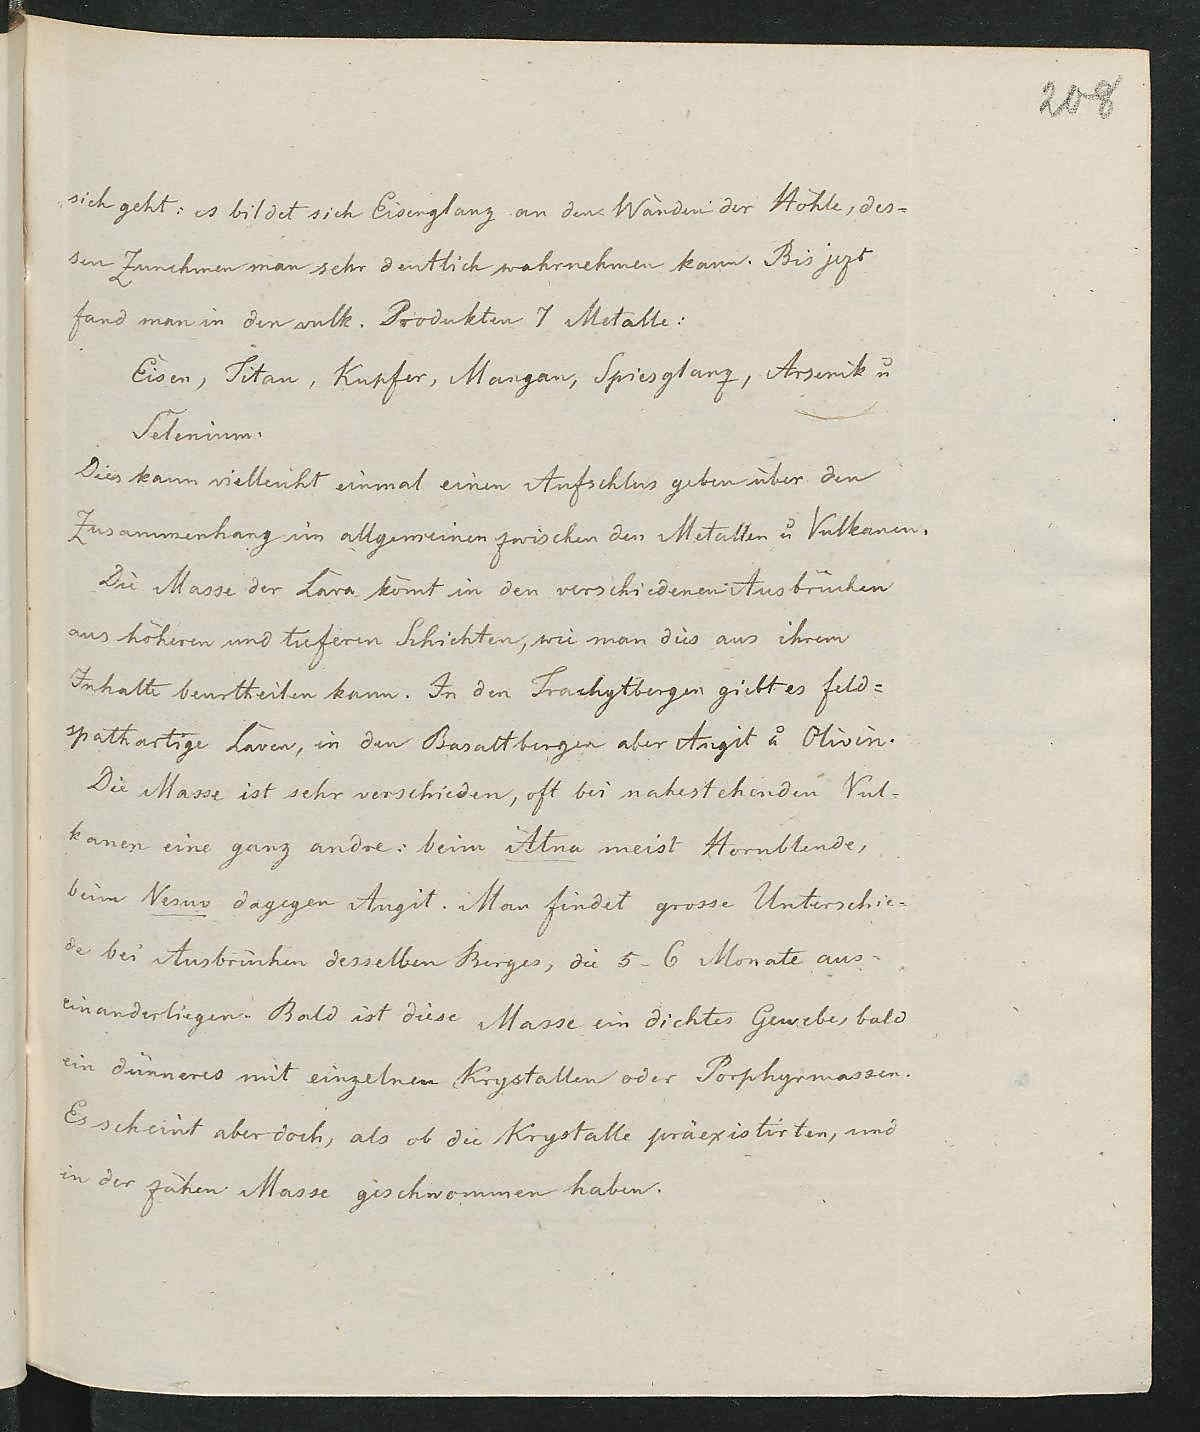sich geht: es bildet sich Eisenglanz an den Wänden der Höhle, des-
sen Zunehmen man sehr deutlich wahrnehmen kann. Bis jezt
fand man in den vulk. Produkten 7 Metalle:
Eisen, Titan, Kupfer, Mangan, Spiesglanz, Arsenik u
Selenium.
Dies kann vielleicht einmal einen Aufschlus geben über den
Zusammenhang im allgemeinen zwischen den Metallen u Vulkanen.
Die Masse der Lava kömt in den verschiedenen Ausbrüchen
aus höheren und tieferen Schichten, wie man dies aus ihrem
Inhalte beurtheilen kann. In den Trachytbergen giebt es feld-
spathartige Laven, in den Basaltbergen aber Augit u Olivin.
Die Masse ist sehr verschieden, oft bei nahestehenden Vul-
kanen eine ganz andre: beim Ätna meist Hornblende,
beim Vesuv dagegen Augit. Man findet grosse Unterschie-
de bei Ausbrüchen desselben Berges, die 5–6 Monate aus-
einanderliegen. Bald ist diese Masse ein dichtes Gewebe, bald
ein dünneres mit einzelnen Krystallen oder Porphyrmassen.
Es scheint aber doch, als ob die Krystalle präexistirten, und
in der zähen Masse geschwommen haben.
Der lezte